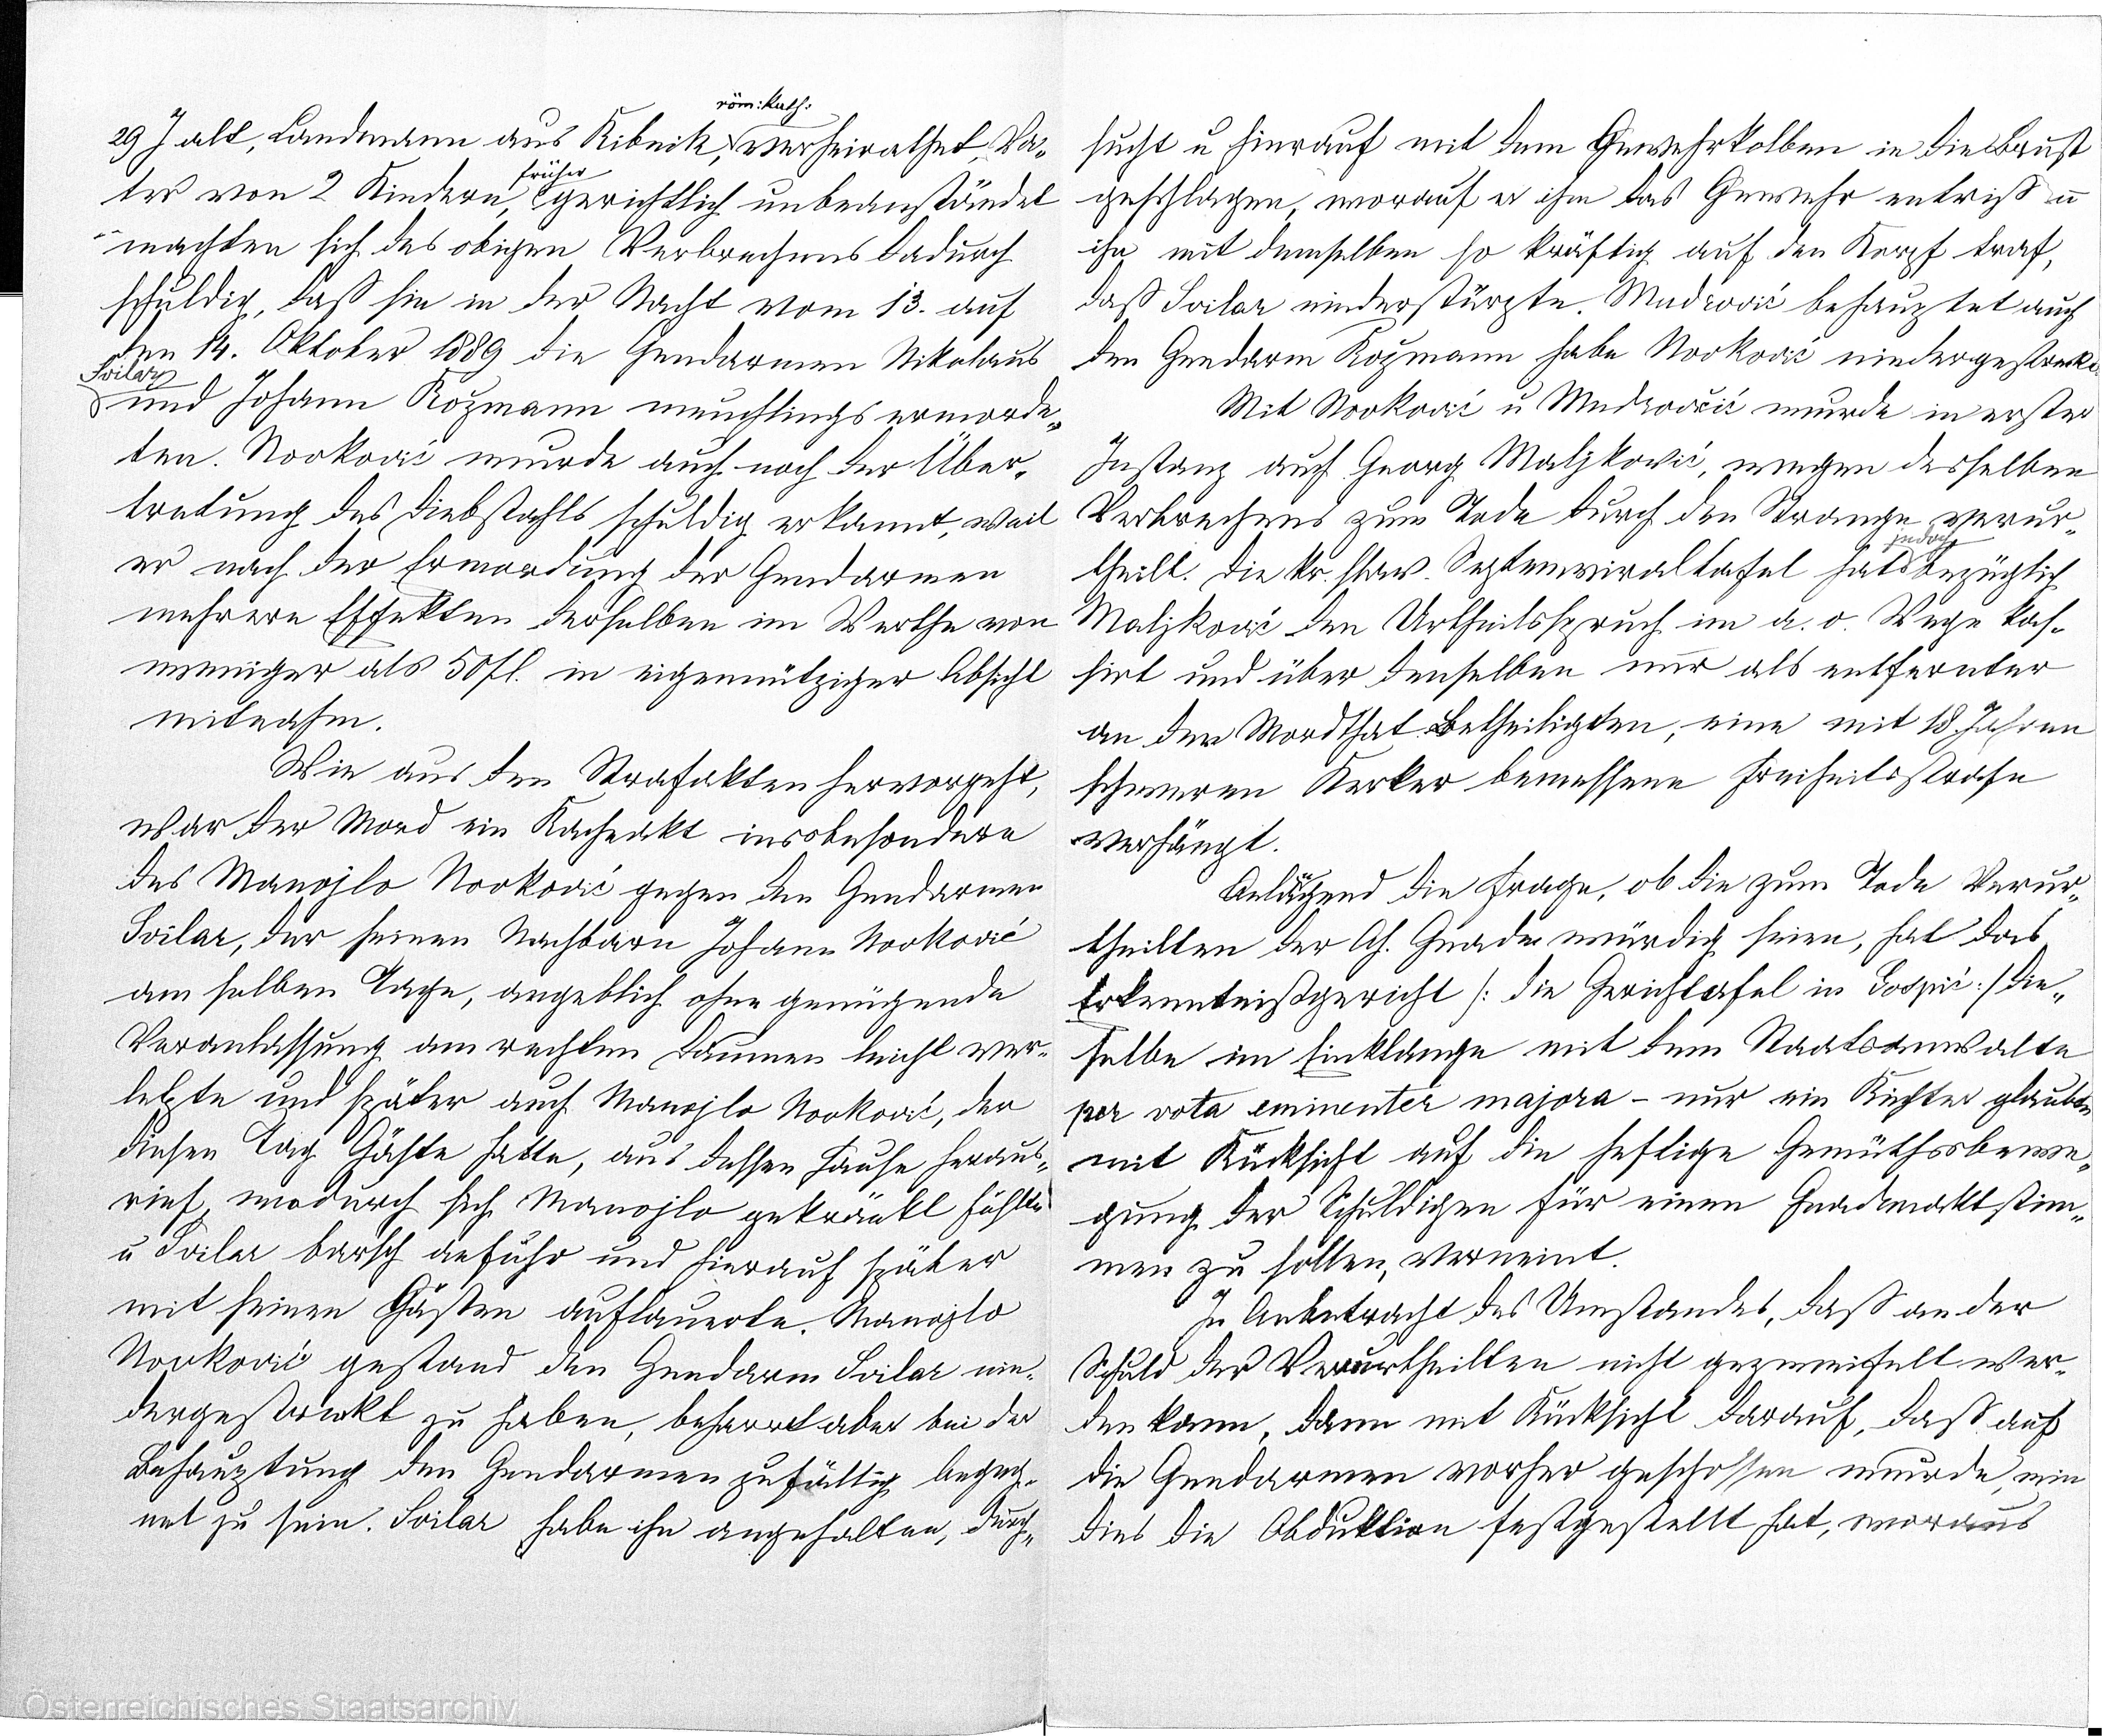röm: kath:
29 J alt, Landmann aus Ribnik, verheirathet, Va¬
früher
ter von 2 Kindern, gerichtlich unbeanständet
machten sich des obigen Verbrechens dadurch
schuldig, daß hin in der Nacht vom 13. auf
den 14. Oktober 1889 die Gendarmen Nikolaus
Svilar
und Johann Rozmann meuchlings ermorde¬
ten. Novković wurde auch nach der Über¬
tretung des Diebstahls schuldig erkannt, weil
er nach der Ermordung der Gendarmen
mehrere Effekten derselben im Verthe von
weniger als 50 fl. in eigenmütziger Absicht
mitnahm.
Wie aus den Strafakten hervorgeht,
war der Mord ein Rachenkt insbesondere
des Manojlo Novković gegen den Gendarmen
Svilar, der seinen Nachbarn Johann Novković
am selben Tage, angeblich ohne genügende
Veranlassung am rechten Daumen leicht ver¬
letzte und später auch Manojlo Novković, der
diesen Tag Gäste hatte, aus dessen Hause herau¬
srief, wodurch sich Manojlo gekränkt Fühlte
u Svilar barsch anfuhr und hierauf später
mit seinen Gästen auflauerte. Manojlo
Novković gestand den Gendarm Svilar nie¬
dergestreckt zu haben, beharrt aber bei der
Behauptung den Gendarmen zufällig, begeg¬
net zu sein. Svilar habe ihn angehalten, durch¬
sucht u hierauf mit dem Gewehrkolben in die Brust
geschlagen, worauf er ihm das Gewehr entriß u
ihn mit demselben so kräftig auf den Kerzf traf,
daß Svilar niederstürzte. Novković behauptetauch
den Gendarm Rozmann habe Novković niedergestreckt.
Mit Novković u Mudrovčić wurde in erster
Jnstanz auch Georg Maljković, wegen desselben
Verbrechens zum Tode durch den Strange verur¬
jedoch
theilt. Die kr. slav. Septemviraltafel hat anzüglich
Maljković den Urtheilsspruch im a. o. Wege kas¬
sirt und über denselben mir als entfernter
an der Mordthat Betheiligten, eine mit 18. Jahren
schweren Kerker bemessene Freiheitssstrafe
verhängt.
Anlangend die Frage, ob die zum Tode Verur¬
theilten der Ah. Gnade würdig seien, hat das
Erkenntnißgericht /: die Gerichtafel in Gospić :/ die¬
selbe im Einklange mit dem Staatsanwalte
per vota eminenter majora - nur ein Richter glauben
mit Rücksicht auf die heftige Gemüthsbewe¬
gung der Schuldigen für einen Gnadenakt stim¬
men zu sollen, verneint.
Jn Anketracht des Umstandes, daß an der
Schuld der Verurtheilten nicht gezweifelt wer¬
den kann, dann mit Rücksicht darauf, daß auf
die Gendarmen vorher geschlossen wurde, xx
dies die Obduktion festgestellt hat, woraus